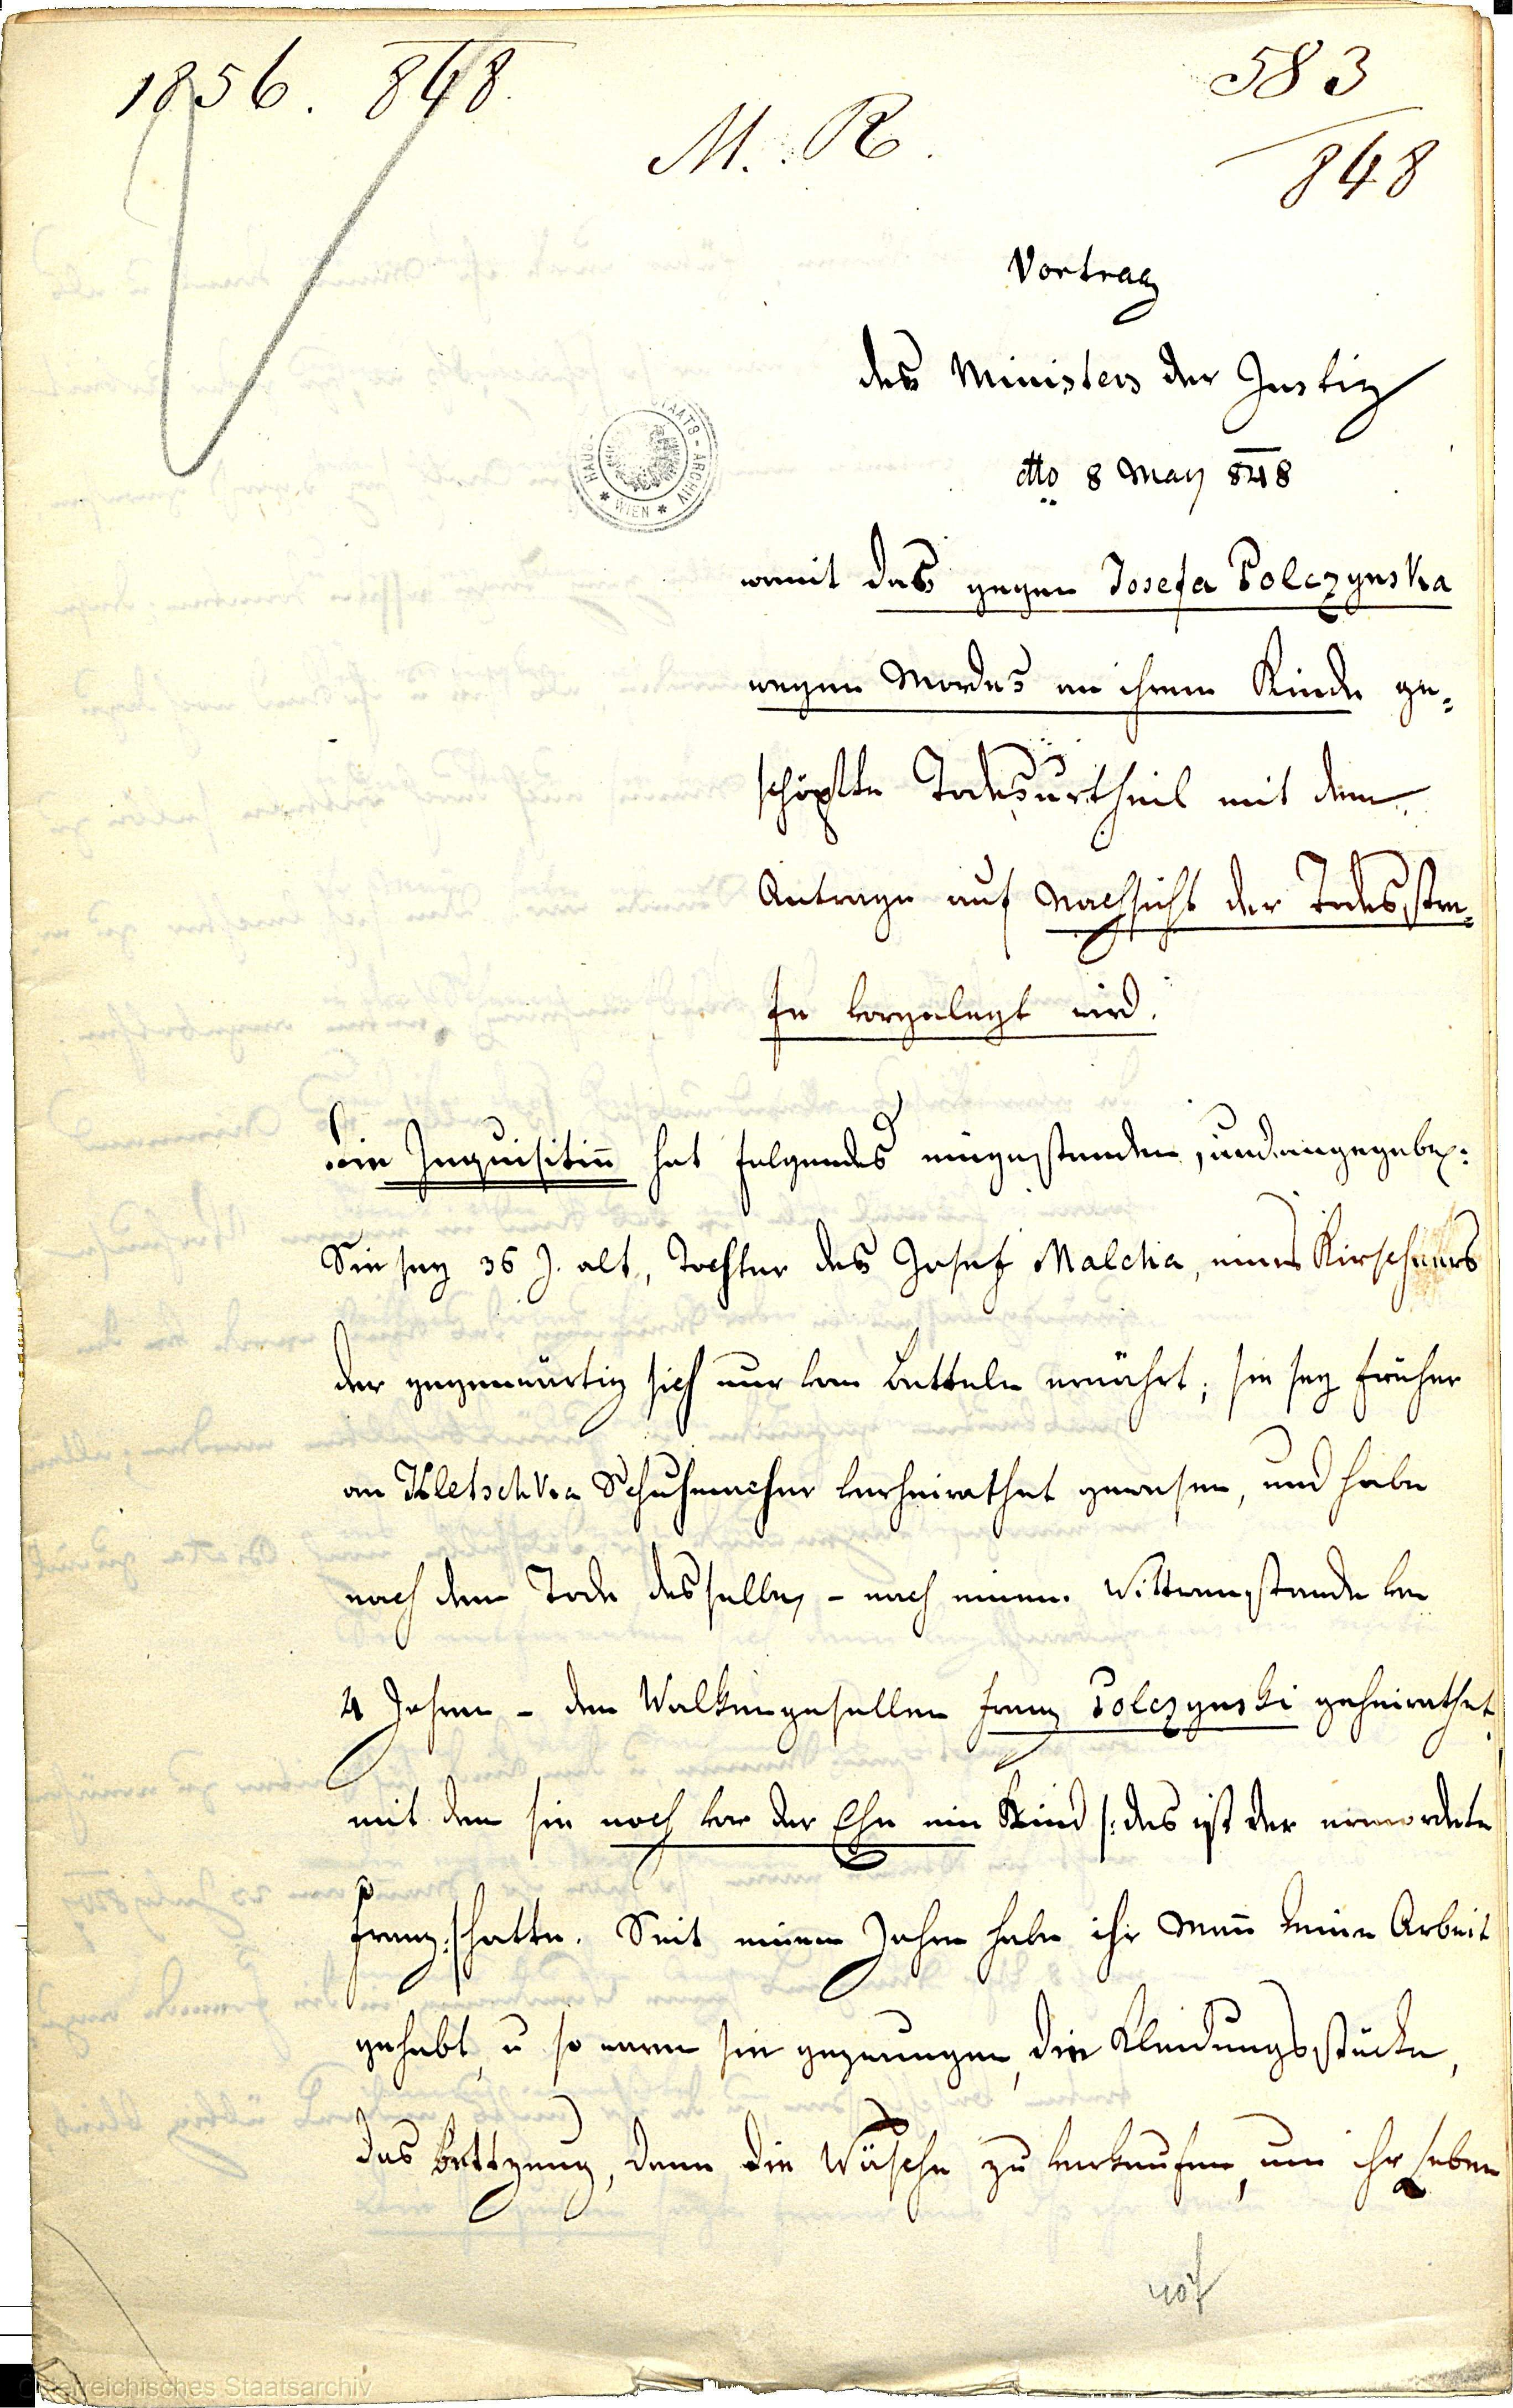1856. 1848
MR
583
/848
Vortrag
des Ministers der Justiz
dto 8 May 1848
womit das gegen Josefa Polczynska
wegen Mordes an ihren Kinde ge¬
schöpfte Todesurtheil mit dem
Antrage auf Nachsicht der Todesstra¬
fe vorgelegt wird.
Die Inquisitin hat folgendes eingestanden, und angegeben:
Sie sey 36 J. alt, Tochter des Josef Malcha, eines Kirschners
der gegenwärtig sich nur vom Betteln ernährt; sie sey früher
an Kletschka Schuhmacher verheirathet gewesen, und habe
nach dem Tode desselben – nach einen Wittwenstande von
4 Jahren – den Walkengeselle Franz Polczynski geheirathet
mit dem sie noch vor der Ehe ein Kind (das ist der ermordete
Franz) hatte. Seit einem Jahr habe ihr Mann keine Arbeit
gehabt, u so waren sie gezwungen, die Kleidungsstücke,
das Bettzeug, den die Wäsche zu verkaufen, um ihr Leben